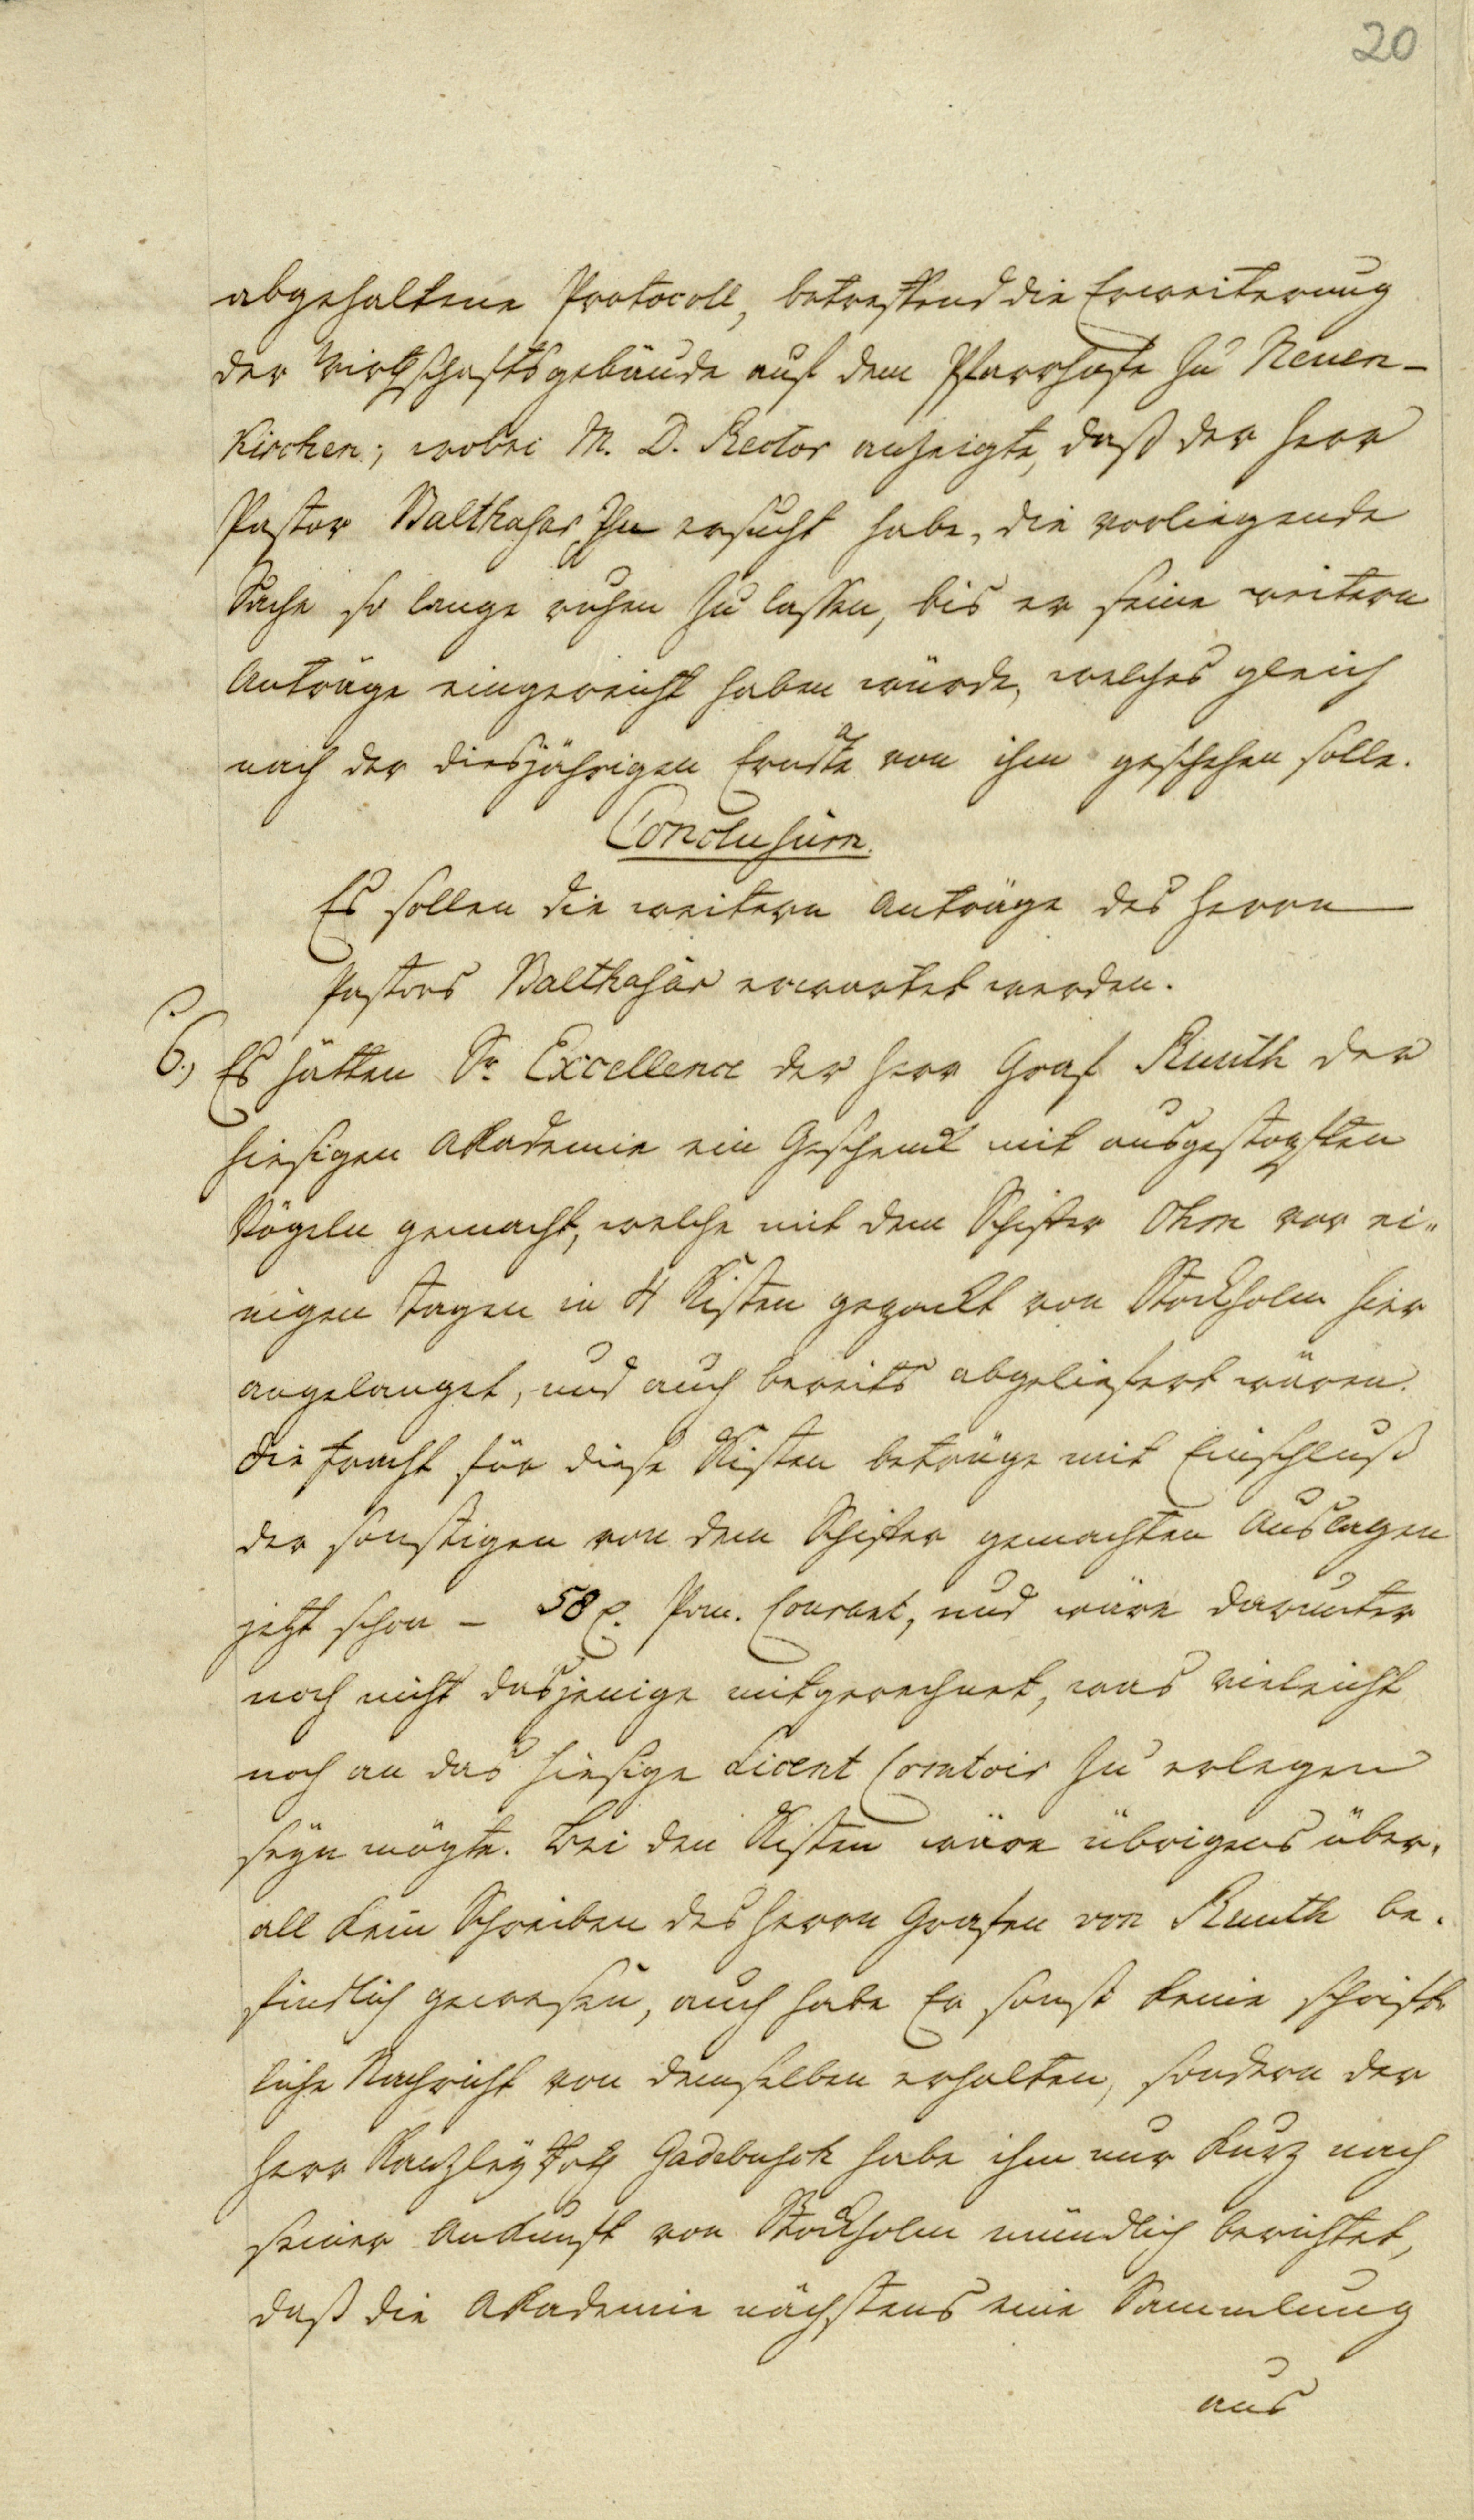abgehaltene Protocoll, betreffend die Erweiterung
der Wirthschaftsgebäude auf dem Pfarrhofe zu Neuen¬
kirchen; wobei M. D. Rector anzeigte, daß der herr
Pastor Balthasar Ihn ersucht habe, die vorliegende
Sache so lange ruhen zu lassen, bis er seine weitern
Anträge eingereicht haben würde, welches gleich
nach der diesjährigen Ernte von ihm geschehen solle.
Conclusum
Es sollen die weiteren Anträge des herrn
Pastors Balthasar erwartet werden.
6., Es hätten Sr. Excellence der herr Graf Ruuth der
hiesigen Akademie ein Geschenck mit ausgestopften
Vögeln gemacht, welche mit dem Schifer Ohm vor ei¬
nigen Tagen in 4 Kisten gepackt von Stockholm hier
angelanget, und auch bereits abgeliefert wären.
Die Fracht für diese Kisten betrüge mit Einschluß
der sonstigen von dem Schifer gemachten Auslagen
jetzt schon 58 l. Pom Courant, und wäre darunter
noch nicht dasjenige mitgerechnet, was vieleicht
noch an das hiesige Licent Comtoir zu erlegen
seÿn mögte. Bei den Kisten wäre übrigens über¬
all kein Schreiben des herrn Grafen von Ruuth be¬
findlich gewesen, auch habe Er sonst keine schrift¬
liche Nachricht von demselben erhalten, sondern der
herr Kanzleÿ Rath Gadebusch habe ihm nur kurz nach
seiner Ankunft von Stockholm mündlich berichtet,
daß die Akademie nächstens eine Sammlung
aus